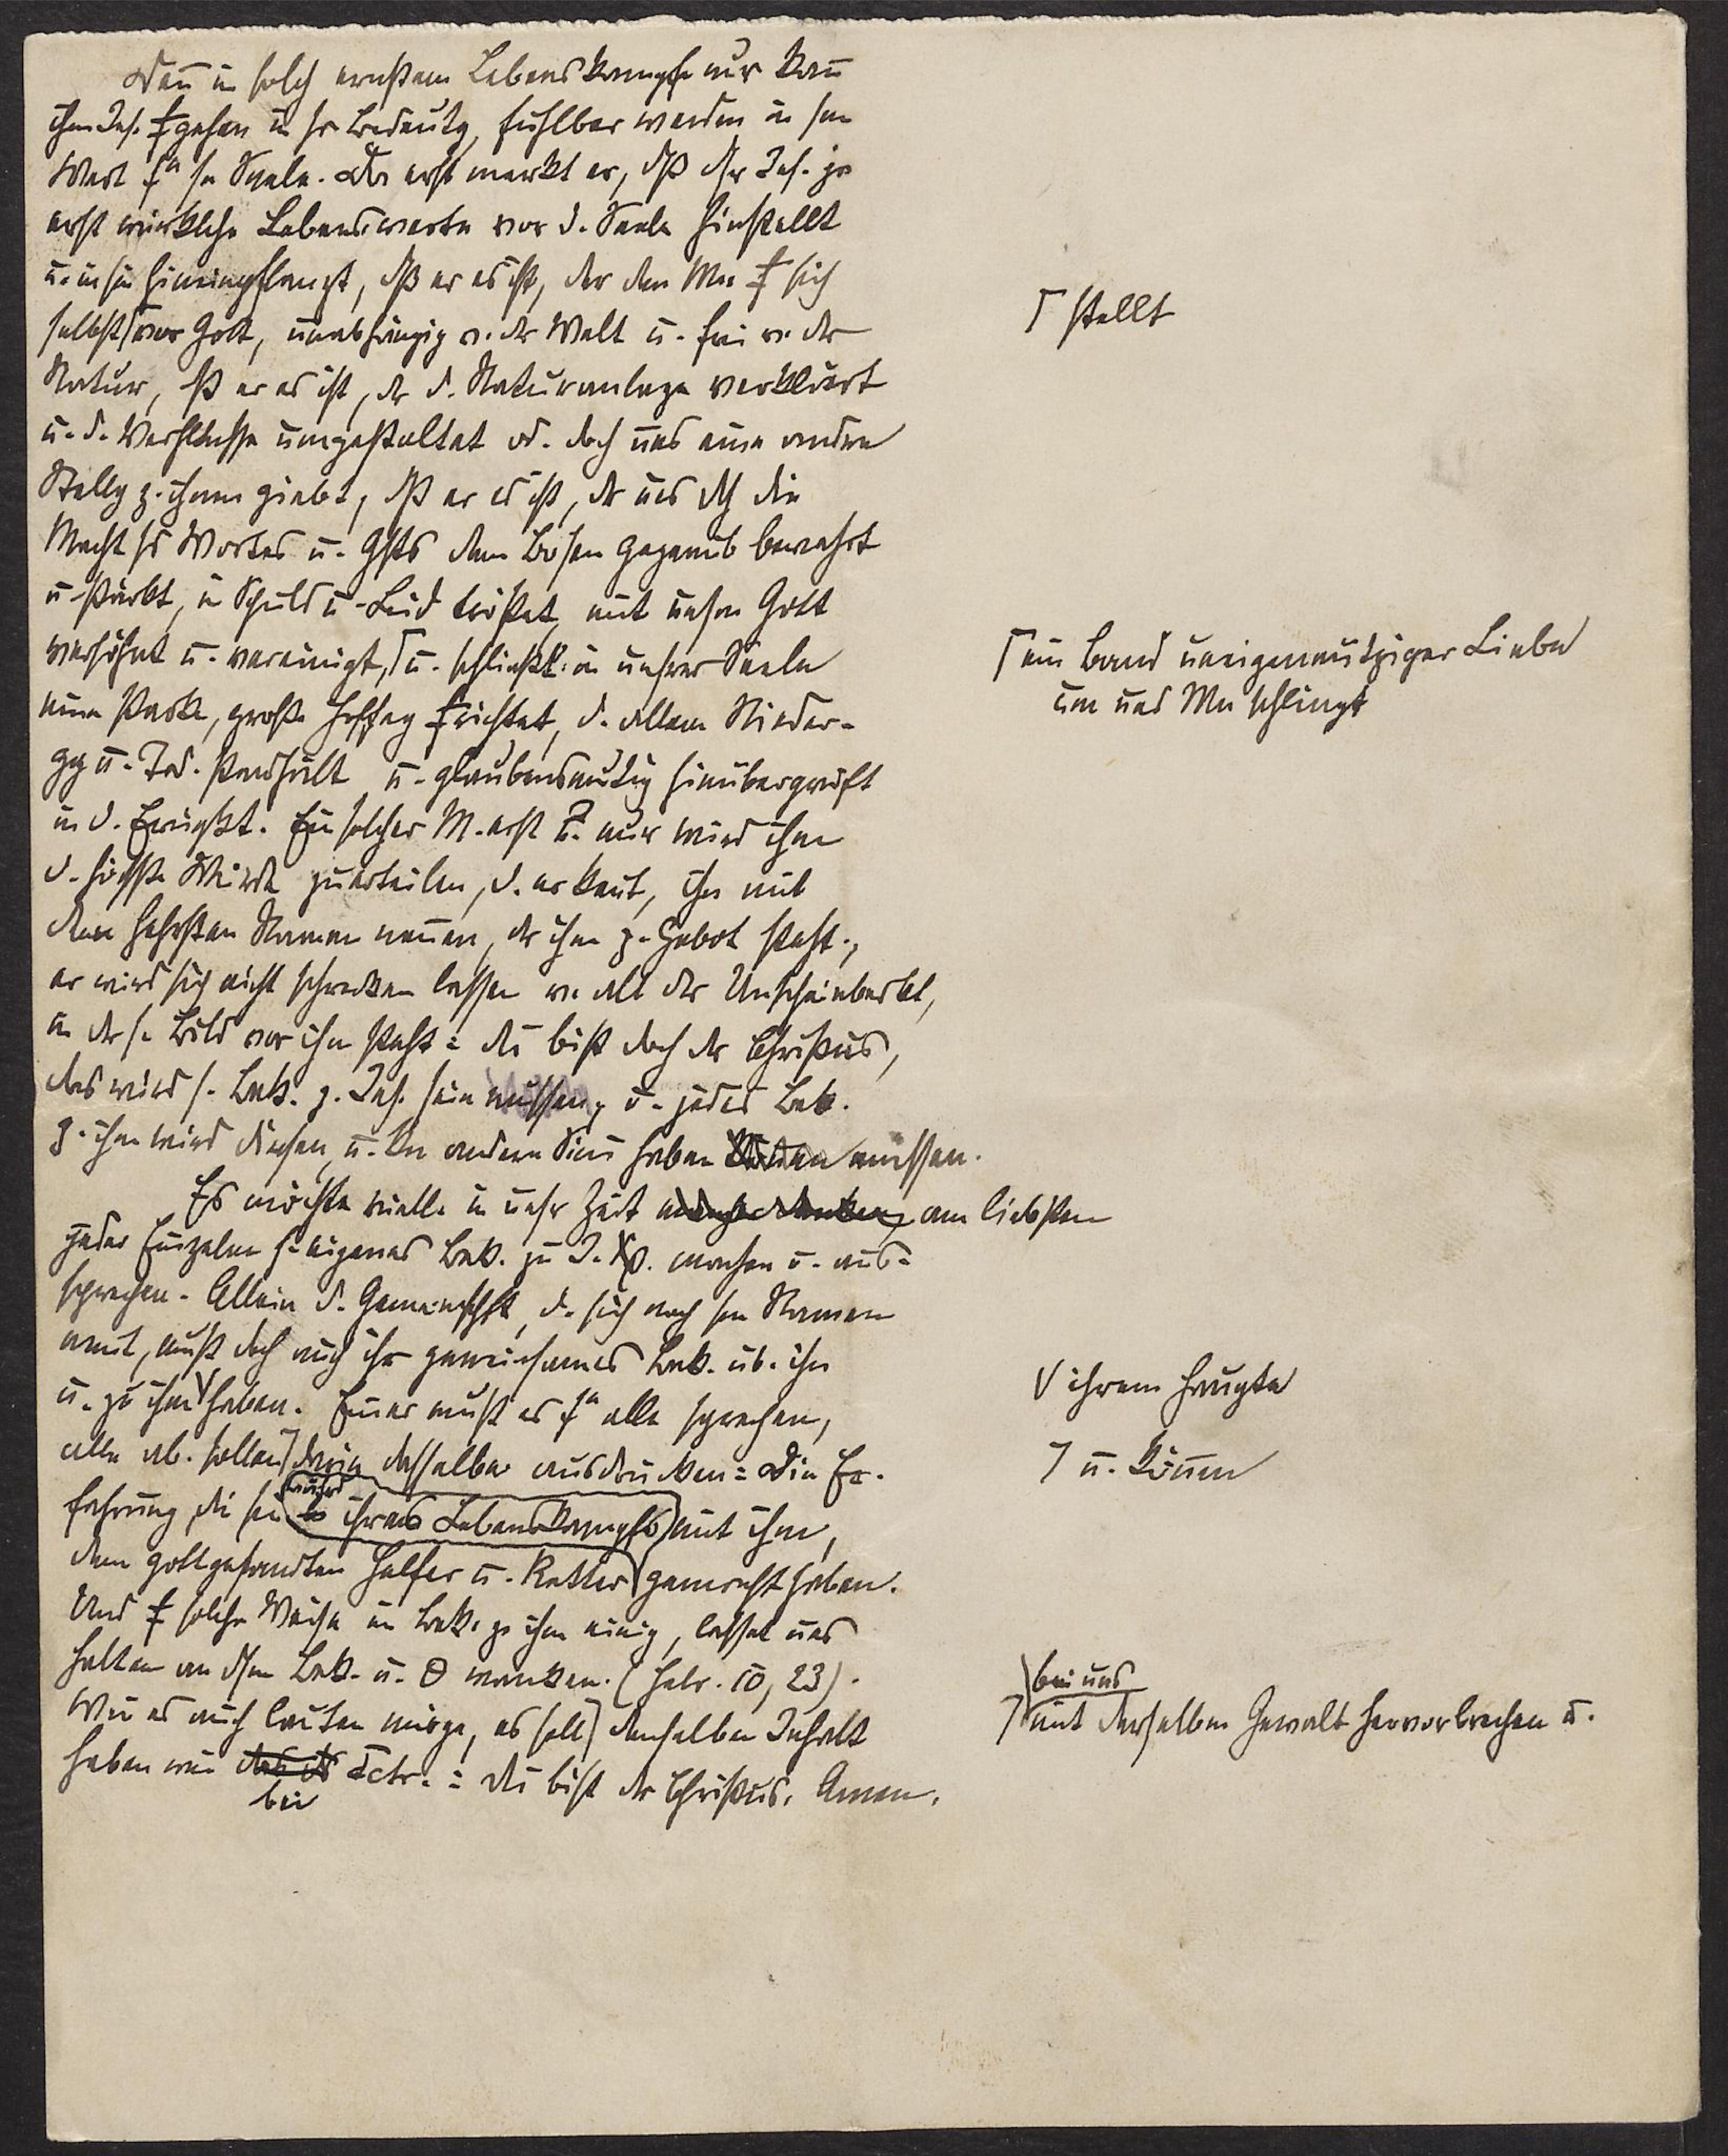Den in solch ernstem Lebenskampfe nur kan
ihm Jes fgehen in sr Bedeutg fühlbar werden in sm
Wert fü sn Seele. Da erst merkt er, daß dsr Jes ja
erst wirklche Lebensworte vor d. Seele hinstellt
u. in sie hineinpfanzt, da0 er es ist, der den Mn. f. sich
[ stellt
selbst ] vor Gott, unabhängig v. dr Welt u. frei v. der
Natur, d0 er es ist, dr di Naturanlage verklärt
u. d. Verhltnisse umgestaltet od. doch uns eine andre
Stllg z. ihnen giebt, dß er es ist, der uns dch die
Macht ss Wortes u. Gsts dem Bösen gegenüb. bewahrt
u. stärkt, in Schuld u. Leid tröstet mit unsrm Gott
[ ein Band uneigennütziger Liebe
versöhnt u. vereinigt, [ u. schließl. in unsrer Seele
um uns Mn schlingt
eine starke, große Hoffng frichtet, d. allem Nieder¬
gg u. Tod standhällt u glaubensmutig hinübergreift
in d. Ewigkt. Ein solcher M. erst u. nur wird ihm
d. höchste Würde zuerteilen, d. er kent, uhn mit
dem hehrsten Namen nenen, dr ihm z. Gebote steht;
er wird sich nicht schrecken lassen v. all der Unscheinbarkt,
in dr. s. Bild vor ihm steht: Du bist doch dr Christus,
das wird s. Bek. z. Jes. sein müssen; u. jedes Bek.
z. uhm wird diesen, u. kn. andern Sin haben könen müssen.
Es möchte viell. in unsr Zeit mancher denken, am leibsten
jeder Einzelne s. eigenes Bek. zu J. Χρ. machen u. aus¬
sprechen. Allein d. Gemeinschaft, d. sich nach sm Namen
nent, muß doch auch ihr gemeinsames Bek. üb. ihn
V ihrem Haupte
u. zu ihm haben. Einer muß es fü alle sprechen,
alle ab. sollen ]
u. könen
darin dasselbe ausdrücken: Die Er¬
währd
fahrung, die sie d ihres Lebenskampfs mit ihm,
dem gottgesandten Helfer u. Retter gemacht haben.
Und f. solche Weise im Bek. z. ihm einig, lasst uns
halten an dsm Bek. u. o wanken (Hebr. 10,23).
bei uns
mit derselben Gewalt hervorbrechen u.
Wie es auch lauten möge, es soll ] denselben Inhalt
haben wie das ds Petr.: Du bist der Christus. Amen.
bei